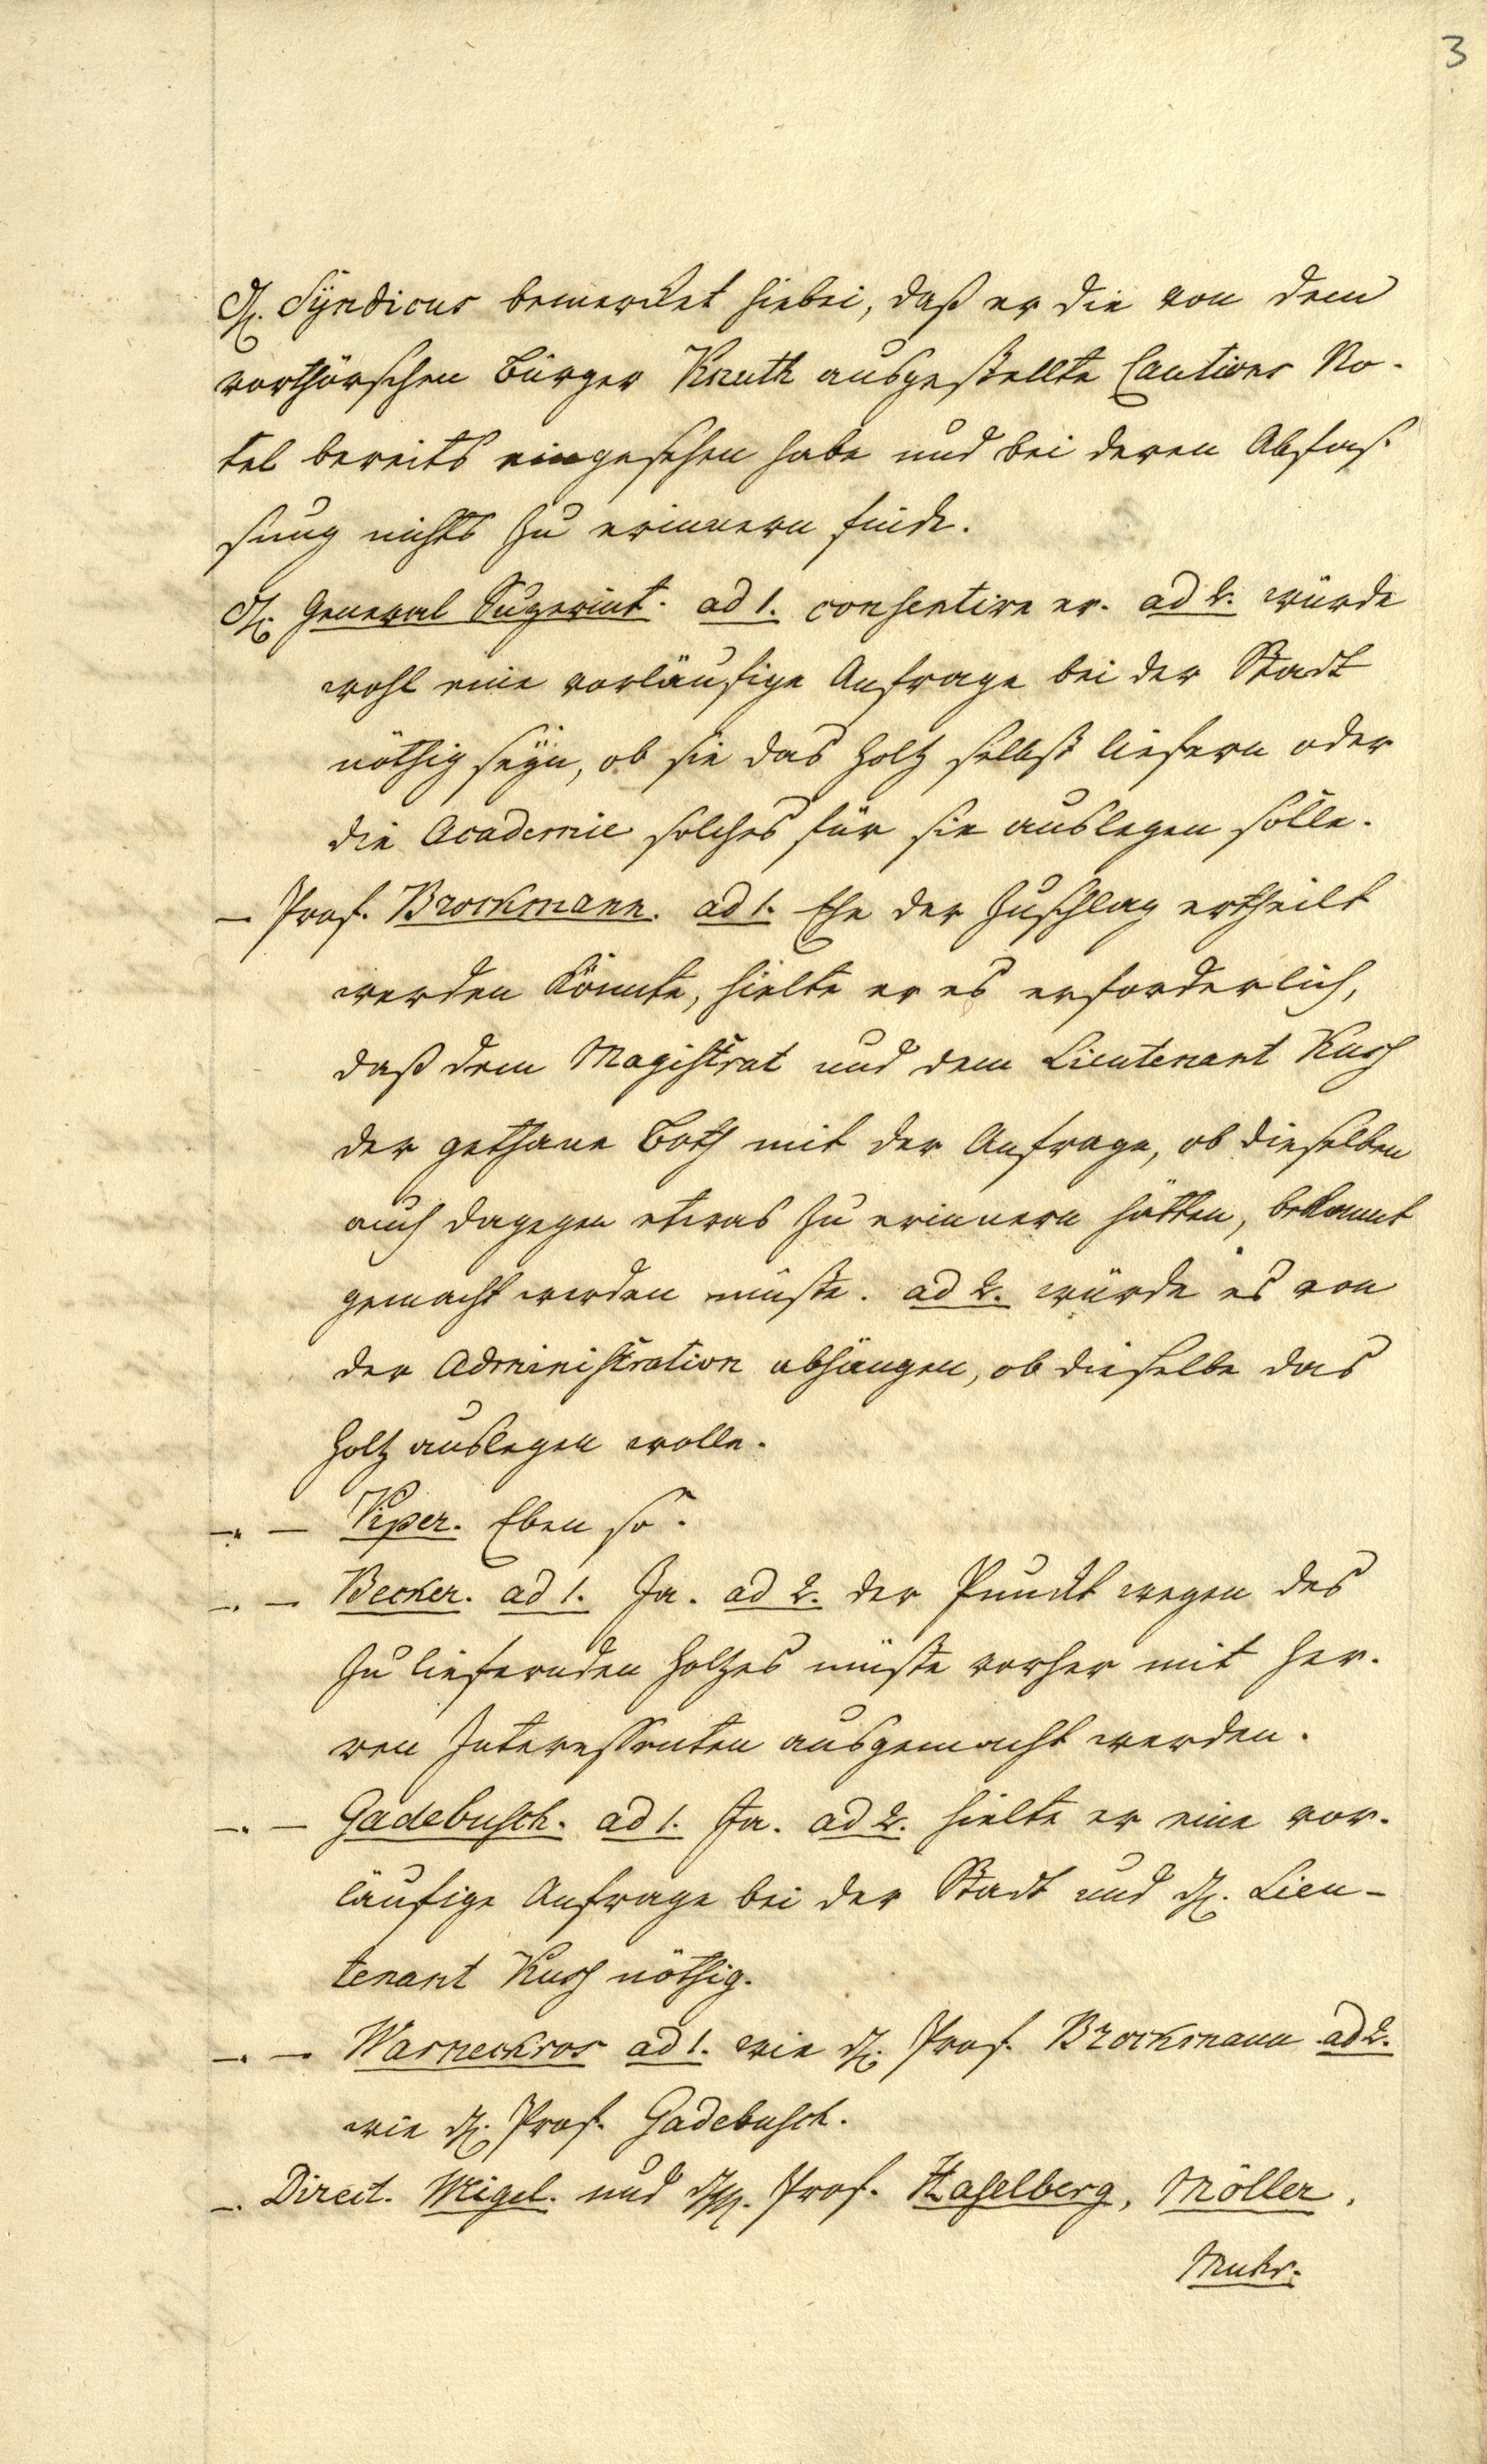dh. Syndicus bemerket hiebei, daß er die von dem
vorthürschen Bürger Knuth ausgestellte Cautions No-
tel bereits eingesehen habe und bei deren Abfas-
sung nichts zu erinnern finde.
dh. General Superint. ad 1. constire er ad 2. würde
wohl eine vorläufige Anfrage bei der Stadt
nöthig seyn, ob sie das Holtz selbst liefern oder
die Academie solches für sie auslegen solle.
- Prof. Brockmann. ad 1. Ehe der Zuschlag ertheilt
werden könnte, hielte er es erforderlich,
daß dem Magistrat und dem Lieutenant Kuss
der gethane Both mit der Anfrage, ob dieselben
auch dagegen etwas zu erinnern hätten, bekannt
gemacht werden müßte. ad 2. würde es von
der Administration abhängen, ob dieselbe das
Holtz auslegen wolle.
- " - Piper. Eben so.
- " - Becker. ad 1. Ja. ad 2. der Punkt wegen des
zu liefernden holtzes müßte vorher mit her-
ren Interessenten ausgemacht werden.
- " - Gadebusch. ad 1. Ja. ad 2. hielte er eine vor-
läufige Anfrage bei der Stadt und dh. Lieu-
tenant Kuss nöthig.
- " - Warneckros ad 1. wie dh. Prof. Brockmann. ad 2.
wie dh. Prof. Gadebusch.
- Direct. Weigel. und dhh. Prof. Haselberg, Möller,
Muhr-